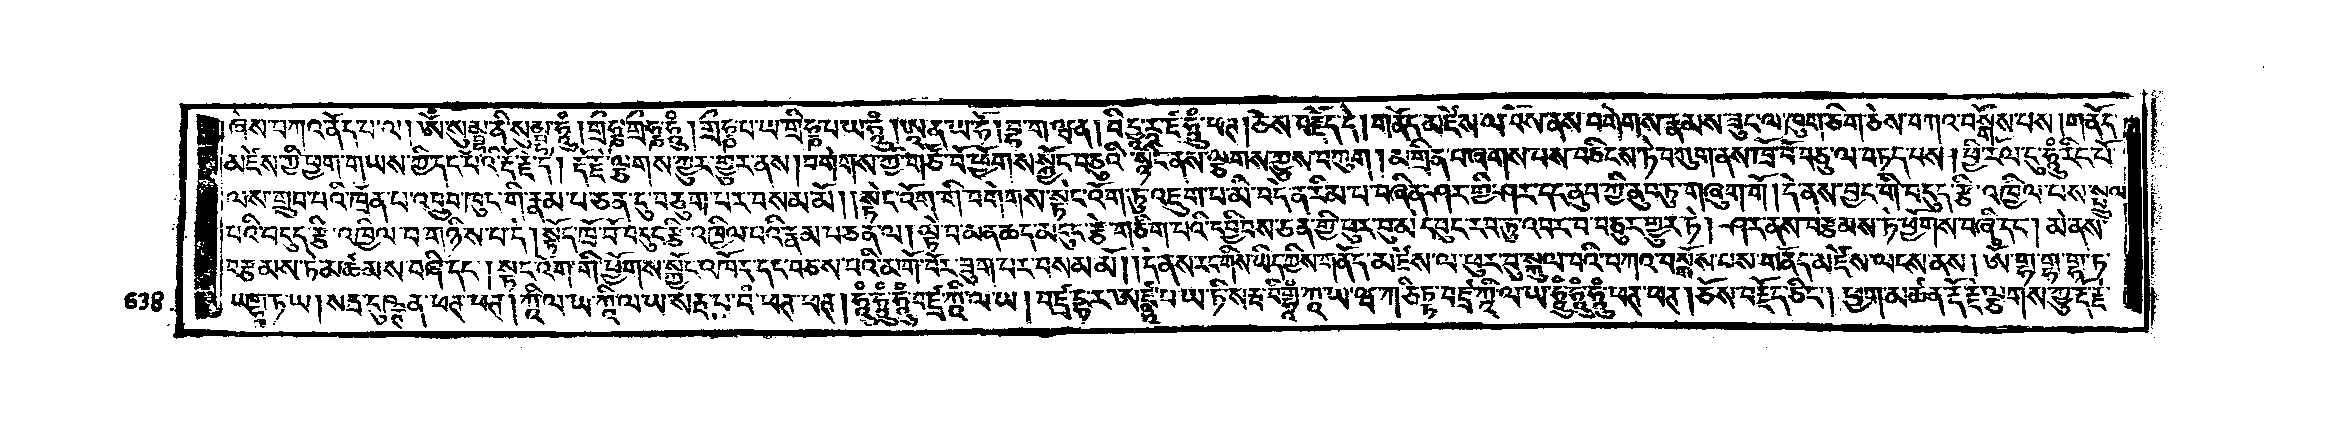ཞེས་བཀའ་ནོད་པ་ལ། ཨོཾ་སུམྦྷ་ནི་སུམྦྷ་ཧཱུཾ། གྲྀཧྞ་གྲྀཧྞ་ཧཱུཾ། གྲྀཧྞ་པ་ཡ་གྲྀཧྞ་པ་ཡ་ཧཱུཾ། ཨཱ་ན་ཡ་ཧོ། བྷ་ག་ཝ་ན། བིདྱཱ་རཱ་ཛ་ཧཱུཾ་ཕཊ། ཅེས་བརྗོད་དེ། གནོད་མཛེས་ལ་བོས་ནས་བགེགས་རྣམས་ཟུང་ལ་ཁུག་ཅིག་ཅེས་བཀའ་བསྒོས་པས། གནོད་
མཛེས་ཀྱི་ཕྱག་གཡས་ཀྱི་དང་པོའི་རྡོ་རྗེ་དེ། རྡོ་རྗེ་ལྕགས་ཀྱུར་གྱུར་ནས། བགེགས་ཀྱི་གཙོ་བོ་ཕྱོགས་སྐྱོང་བཅུའི་སྙིང་ནས་ལྕགས་ཀྱུས་བཀུག །མགྲིན་པ་ཞགས་པས་བཅིངས་ཏེ་བཀུག་ནས་ཁྲོ་བོ་བཅུ་ལ་བཏད་པས། ཕྱི་རོལ་དུ་ཧཱུཾ་རིང་པོ་
ལས་གྲུབ་པའི་ཁྲོན་པ་འབྲུབ་ཁུང་གི་རྣམ་པ་ཅན་དུ་བཅུག་པར་བསམ་མོ། །སྟེང་འོག་གི་བགེགས་སྟེང་འོག་ཏུ་འཇུག་པ་མི་བདེན་རིམ་པ་བཞིན་ཤར་གྱི་ཤར་དང་ནུབ་ཀྱི་ནུབ་ཏུ་གཞུག་གོ །དེ་ནས་བྱང་གི་བདུད་རྩི་འཁྱིལ་པས་སྤྲུལ་
པའི་བདུད་རྩི་འཁྱིལ་པ་གཉིས་པ་དེ། སྟོད་ཁྲོ་བོ་བདུད་རྩི་འཁྱིལ་པའི་རྣམ་པ་ཅན་ལ། ལྟེ་བ་མན་ཆད་མདུད་རྩེ་གཅིག་པའི་དབྱིབས་ཅན་གྱི་ཕུར་བུ་མེ་དཔུང་རབ་ཏུ་འབར་བ་བཅུར་གྱུར་ཏེ། ཤར་ནས་བརྩམས་ཏེ་ཕྱོགས་བཞི་དང་། མེ་ནས་
བརྩམས་ཏེ་མཚམས་བཞི་དང་། སྟེང་འོག་གི་ཕྱོགས་སྐྱོང་འཁོར་དང་བཅས་པའི་མགོ་བོར་ཟུག་པར་བསམ་མོ། །དེ་ནས་རང་གིས་ཡིད་ཀྱིས་གནོད་མཛེས་ལ་ཕུར་བུ་སྐུལ་བའི་བཀའ་བསྒོས་པས་གནོད་མཛེས་ལངས་ནས། ཨོཾ་གྷ་གྷ་གྷ་ཏ་
ཡ་གྷཱ་ཏ་ཡ། སརྦ་དུཥྚ་ན་ཕཊ་ཕཊ། ཀཱི་ལ་ཡ་ཀཱི་ལ་ཡ་སརྦ་པཱ་བཾ་ཕཊ་ཕཊ། ཧཱུཾ་ཧཱུཾ་ཧཱུཾ་བཛྲ་ཀཱི་ལ་ཡ། བཛྲ་དྷ་ར་ཨཛྙཱ་པ་ཡ་ཏི་སརྦ་བིགྷྣཾ་ཀཱ་ཡ་ཝ་ཀ་ཅིཏྟ་བཛྲ་ཀཱི་ལ་ཡ་ཧཱུཾ་ཧཱུཾ་ཧཱུཾ་ཕཊ་ཕཊ། ཅེས་བརྗོད་ཅིང་། ཕྱག་མཚན་རྡོ་རྗེ་ལྕགས་ཀྱུ་རྡོ་རྗེ་